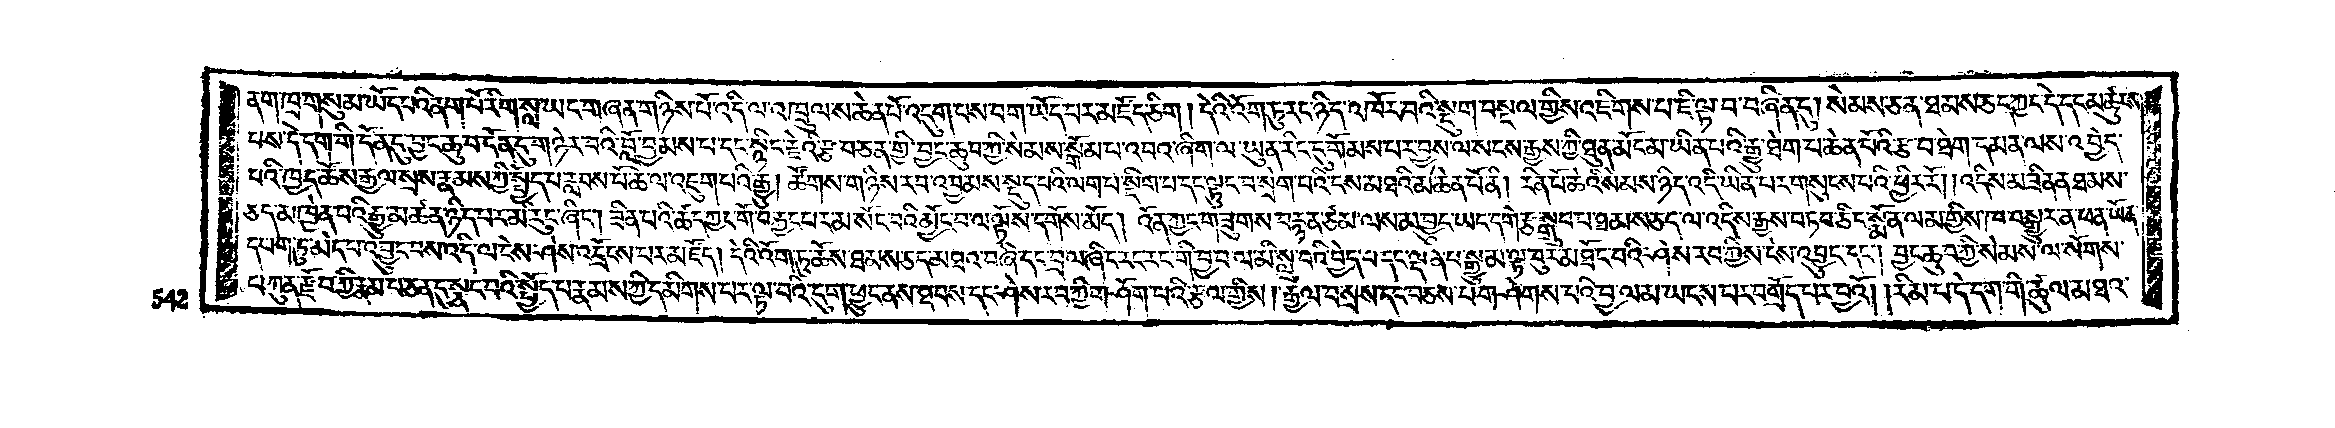ནག་ཁ་གསུམ་ཡོད་པའི་ནག་པོ་རིག་སླ་ཡང་གཞན་གཉིས་པོ་འདི་ལ་འཁྲུལ་ས་ཆེན་པོ་འདུག་པས་བག་ཡོད་པར་མཛོད་ཅིག །དེའི་འོག་ཏུ་རང་ཉིད་འཁོར་བའི་སྡུག་བསྔལ་གྱིས་འཇིགས་པ་ཇི་ལྟ་བ་བཞིན་དུ། སེམས་ཅན་ཐམས་ཅད་ཀྱང་དེ་དང་མཚུངས་
པས་དེ་དག་གི་དོན་དུ་བྱང་ཆུབ་དོན་དུ་གཉེར་བའི་བློ་བྱམས་པ་དང་སྙིང་རྗེའི་རྩ་བ་ཅན་གྱི་བྱང་ཆུབ་ཀྱི་སེམས་སྒོམ་པ་འབའ་ཞིག་ལ་ཡུན་རིང་དུ་གོམས་པར་བྱས་ལ་སངས་རྒྱས་ཀྱི་ཐུན་མོང་མ་ཡིན་པའི་རྒྱུ་ཐེག་པ་ཆེན་པོའི་རྩ་བ་ཐེག་དམན་ལས་འབྱེད་
པའི་བྱད་ཆོས་རྒྱལ་སྲས་རྣམས་ཀྱི་སྤྱོད་པ་རླབས་པོ་ཆེ་ལ་འཇུག་པའི་རྒྱུ། ཚོགས་གཉིས་རབ་འབྱམས་སྡུད་པའི་ལག་པ་སྡིག་པ་དང་ལྟུང་བ་སྲེག་པའི་དུས་མཐའ་མེ་ཆེན་པོ་ནི། རིན་པོ་ཆེའི་སེམས་ཉིད་འདི་ཡིན་པར་གསུངས་པའི་ཕྱིར་རོ། །འདིས་མ་ཟིན་ན་ཐམས་
ཅད་མཁྱེན་པའི་རྒྱུ་མཚན་ཉིད་པར་མི་རུང་ཞིང་། ཟིན་པའི་ཚད་ཀྱང་གོ་བ་རྐྱང་པར་མ་སོང་བའི་མྱོང་བ་ལ་ལྟོས་དགོས་མོད། འོན་ཀྱང་གཟུགས་བརྙན་ཙམ་ལས་མ་བྱུང་ཡང་དགེ་རྩ་སྒྲུབ་པ་ཐམས་ཅད་ལ་འདིས་རྒྱས་བཏབ་ཅིང་སྨོན་ལམ་གྱིས་ཁ་བསྒྱུར་ན་ཕན་ཡོན་
དཔག་ཏུ་མེད་པ་འབྱུང་བས་འདི་ལ་ངེས་ཤེས་འདྲོངས་པར་མཛོད། དེའི་འོག་ཏུ་ཆོས་ཐམས་ཅད་མཐའ་བཞི་དང་བྲལ་ཞིང་རང་རང་གི་བྱ་བ་ལ་མི་སླུ་བའི་བྱེད་པ་དང་ལྡན་པ་སྒྱུ་མ་ལྟ་བུར་མཐོང་བའི་ཤེས་རབ་ཀྱིས་ངེས་འབྱུང་དང་། བྱང་ཆུབ་ཀྱི་སེམས་ལ་སོགས་
པ་ཀུན་རྫོབ་ཀྱི་རྣམ་པ་ཅན་དུ་སྣང་བའི་སྤྱོད་པ་རྣམས་ཀྱི་དམིགས་པར་ལྟ་བའི་དུག་ཕྱུང་ནས་ཐབས་དང་ཤེས་རབ་ཀྱི་གཤོག་པའི་རྩལ་གྱིས། རྒྱལ་བ་སྲས་དང་བཅས་པ་གཤེགས་པའི་བྱ་ལམ་ཡངས་པར་བགྲོད་པར་བྱའོ། །རིམ་པ་དེ་དག་གི་ཚུལ་མཐའ་